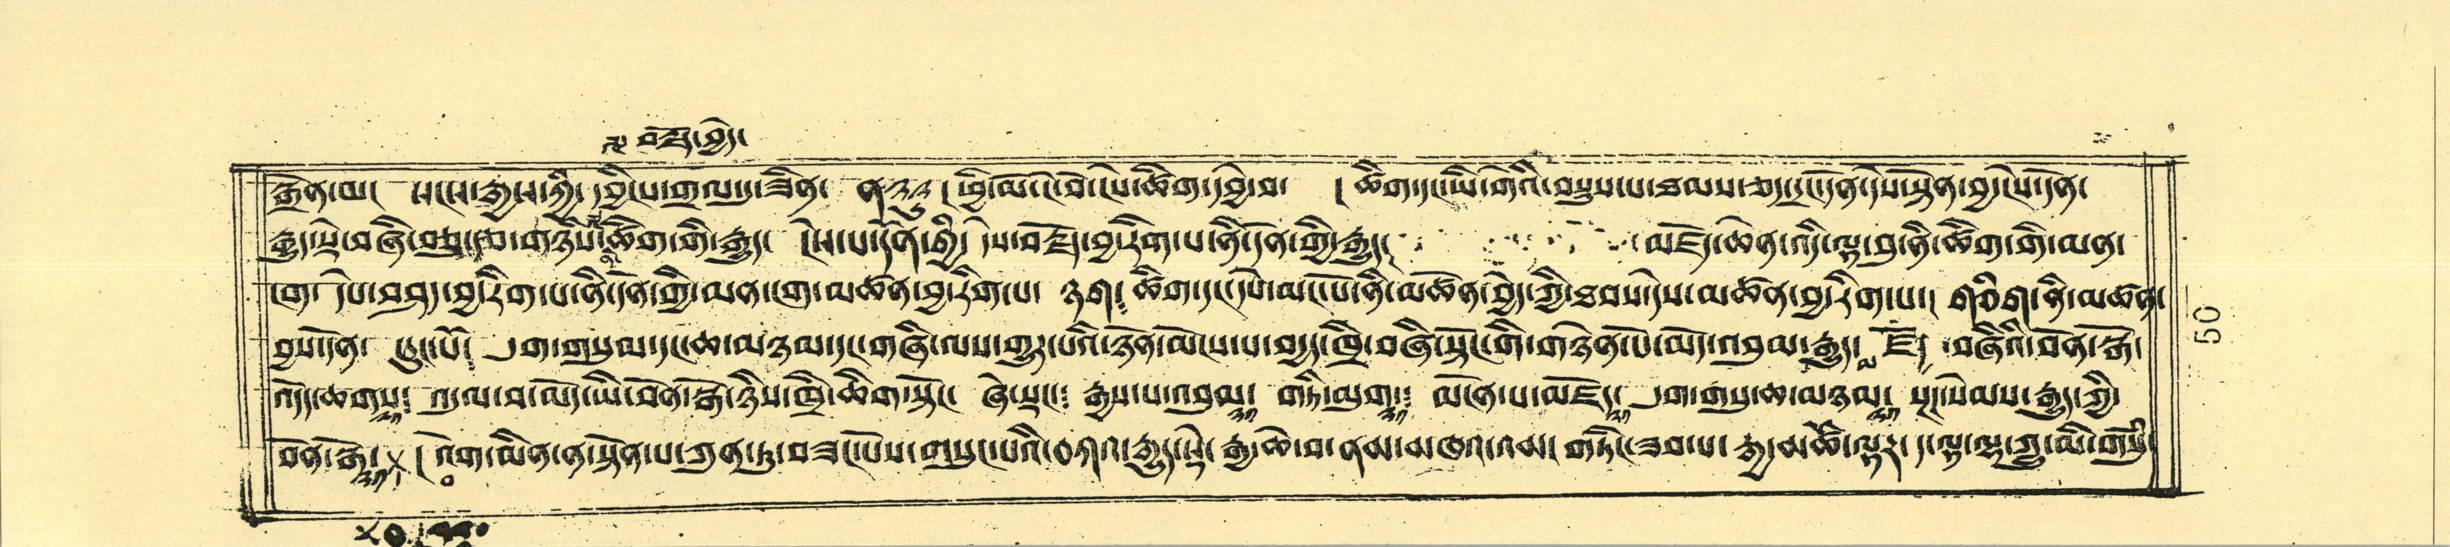སྒྲོན་མ་ སངས་རྒྱས་ཀྱི་དབྱིངས་གྲལ་དུ་ཟིན། ན༢༢།༦ ཕྱི་མོ་ངོ་བོ་ངེས་ཚིག་དབྱེ་བ་ ཚིག་དང་ཡི་གེས་བསྡུས་པ་ཐམས་ཅད་དྲང་དོན་དེས་བསྟན་བྱ་ངེས་དོན་
རྒྱུད་སྡེ་བཞི་བཅུ་རྩ་གཉིས་ནི་རྗོད་བྱེད་ཚིག་གི་བརྒྱུད། ངེས་པ་དོན་གྱི་དེས་བརྗོད་བྱ་རིག་པ་ནི་དོན་གྱི་རྒྱུད། མཛོད་ཆེན་འདི་ལྟ་བུ་ནི་ཚིག་གི་མན་
ངག་ དེས་བཤད་བྱ་རིག་པ་ནི་དོན་གྱི་མན་ངག མཚན་བྱ་རིག་པ་ ཉག་ཚིག་དང་དཔེ་མང་པོ་ནི་མཚོན་བྱེད་ཀྱི་ཐབས་དེས་མཚན་བྱ་རིག་པ་ གཅིག་ནི་མཚན་
བྱས་དོན་ ཕུང་པོ དུག་གསུམ་དང་ཆ་མཉམ་དང་བཞི་ལས་གྱུར་པའི་ཉོན་མོངས་པ་བརྒྱད་ཁྲི་བཞི་སྟོང་གི་གཉེན་པོ་མདོ་འབུམ་རྒྱུད་ མཛོད་ བཞིའི་བོན་སྒོ་
འདོད་ཆགས་ འདུལ་བ་མདོ་ཡི་བོན་སྒོ་ཉི་ཁྲི་གཅིག་སྟོང་། ཞེ་སྡང་། རྒྱས་པ་འབུམ། གཏི་མུག། མངོན་པ་མཛོད། དུག་གསུམ་ཆ་མཉམ། སྔགས་སེམས་རྒྱུད་ཀྱི་
བོན་སྒོ་ན༢༢།༧ འོག་མིན་ན་སྟོན་པ་ཀུན་ཏུ་བཟང་པོས་གསུངས་པའི་༼བཀའ་རྒྱུད་སྡེ༽རྒྱ་ཆེ་བ་༼ནམ་མཁའ༽འམ་གཏིང་ཟབ་པ་༼རྒྱ་མཚོ་ལྟར༽ད་ལྟ་ལྷ་ཀླུ་མི་གསུམ་